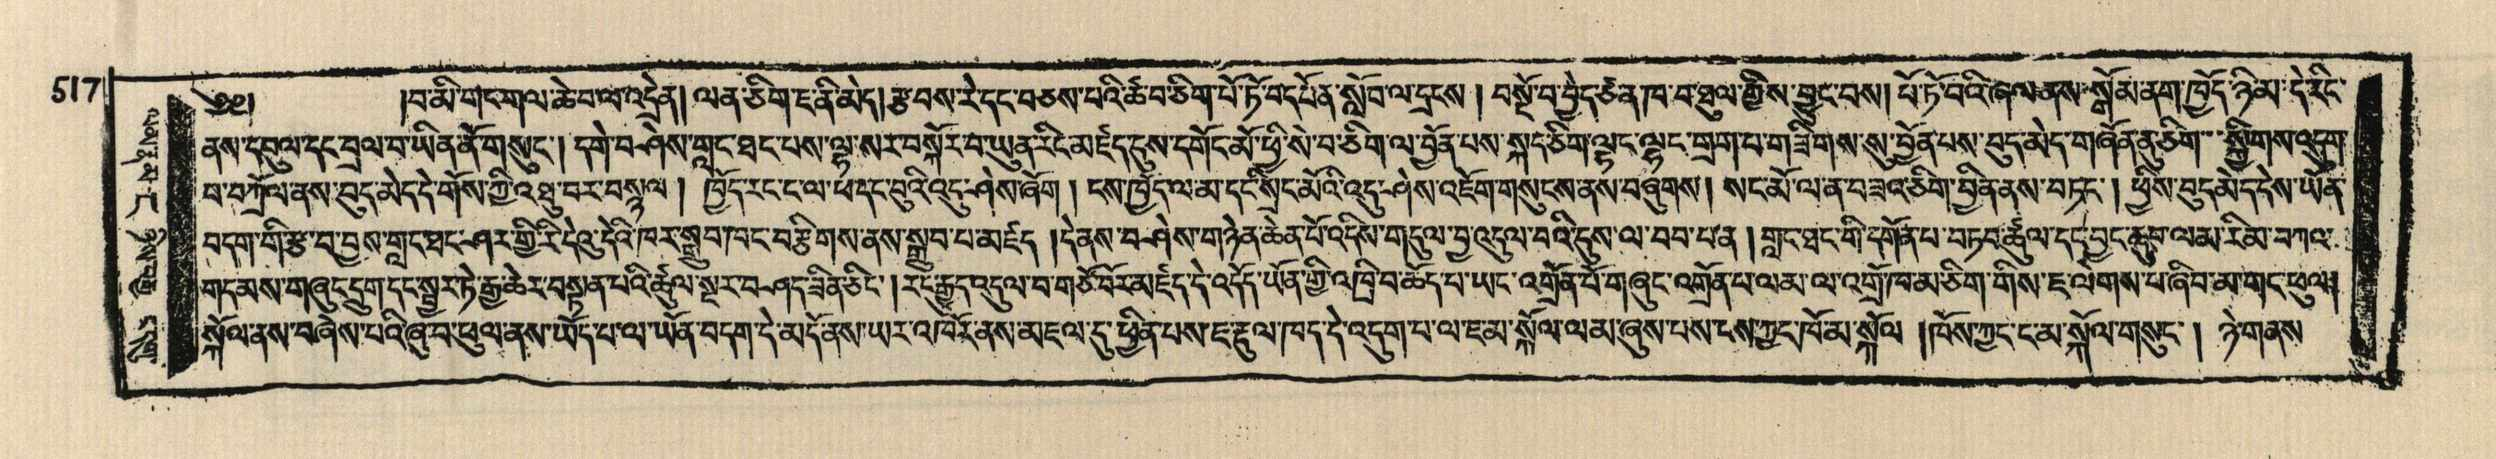༄༅། །བ་མི་གང་གལ་ཆེ་བ་ལ་འདྲེན། ལན་ཅིག་ཇ་ནི་མེད། རྩ་བས་རེ་དང་བཅས་པའི་ཚ་བ་ཅིག་པོ་ཏོ་བ་དཔོན་སློབ་ལ་དྲངས། བསྔོ་བ་བྱེད་ཙན་ཁ་བ་ཐུལ་གྱིས་བྱུང་བས། པོ་ཏོ་བའི་ཞལ་ནས་སྒོམ་ནག་ཁྱོད་ཉི་མ་དེ་རིང་
ནས་དབུལ་དང་བྲལ་བ་ཡིན་ནོ་གསུང་། དགེ་བཤེས་གླང་ཐང་པས་ལྷ་སར་བསྐོར་བ་ཡུན་རིང་མཛད་དུས་དགོང་མོ་ཕྱི་སེ་བ་ཅིག་ལ་བྱོན་པས་སྐད་ཅིག་ལྷང་ལྷང་གྲག་པ་གཟིགས་སུ་བྱོན་པས་བུད་མེད་གཞོན་ནུ་ཅིག་སྐྱིགས་འདུག་
པ་བཀྲོལ་ནས་བུད་མེད་དེ་གོས་ཀྱི་འཐུ་བར་བསྙལ། ཁྱོད་རང་ང་ལ་ཕ་དང་བུའི་འདུ་ཤེས་ཞོག། ངས་ཁྱོད་ལ་མ་དང་སྲིང་མོའི་འདུ་ཤེས་འཇོག་གསུངས་ནས་བཞུགས། སང་མོ་ལ་ན་བཟའ་ཅིག་བྱིན་ནས་བཏང་། ཕྱིས་བུད་མེད་དེས་ཡོན་
བདག་གི་རྩ་བ་བྱས་གླང་ཐང་ཤར་གྱི་རི་དེའུ་དེའི་ཁར་སྒྲུབ་ཁང་བརྩིགས་ནས་སྒྲུབ་པ་མཛད་།དེ་ནས་བཤེས་གཉེན་ཆེན་པོ་འདིས་གདུལ་བྱ་འདུལ་བའི་དུས་ལ་བབ་པ་ན། གླང་ཐང་གི་དགོན་པ་བཏབ་ཚུལ་དང་བྱང་ཆུབ་ལམ་རིམ་བཀའ་
གདམས་གཞུང་དྲུག་དང་སྦྱར་ཏེ་རྒྱ་ཆེར་བསྟན་པའི་ཚུལ་སྔར་བཤད་ཟིན་ཅིང་། རང་རྒྱུད་འདུལ་བ་གཙོ་བོར་མཛད་དེ་འདོད་ཡོན་གྱི་འཁྲི་བ་ཆོད་པ་ཡང་འགྲོན་པོ་གཞུང་འགྲོན་པ་ལམ་ལ་འགྲོ་ཁ་མ་ཅིག་གིས་ཇ་ལེགས་པ་ཞིབ་མ་གང་ཕུལ།
སྐོལ་ནས་བཞེས་པའི་ཞུ་བ་ཕུལ་ནས་ཡོད་པ་ལ་ཡོན་བདག་དེ་མདོ་ནས་ཡར་འཁོར་ནས་མཇལ་དུ་ཕྱིན་པས་ཇ་རྡུལ་ཁད་དེ་འདུག་པ་ལ་ཇ་མ་སྐོལ་ལམ་ཞུས་པས་ངས་ཀྱང་ཁོ་མ་སྐོལ་།ཁོས་ཀྱང་ང་མ་སྐོལ་གསུང་། ཉེ་གནས་